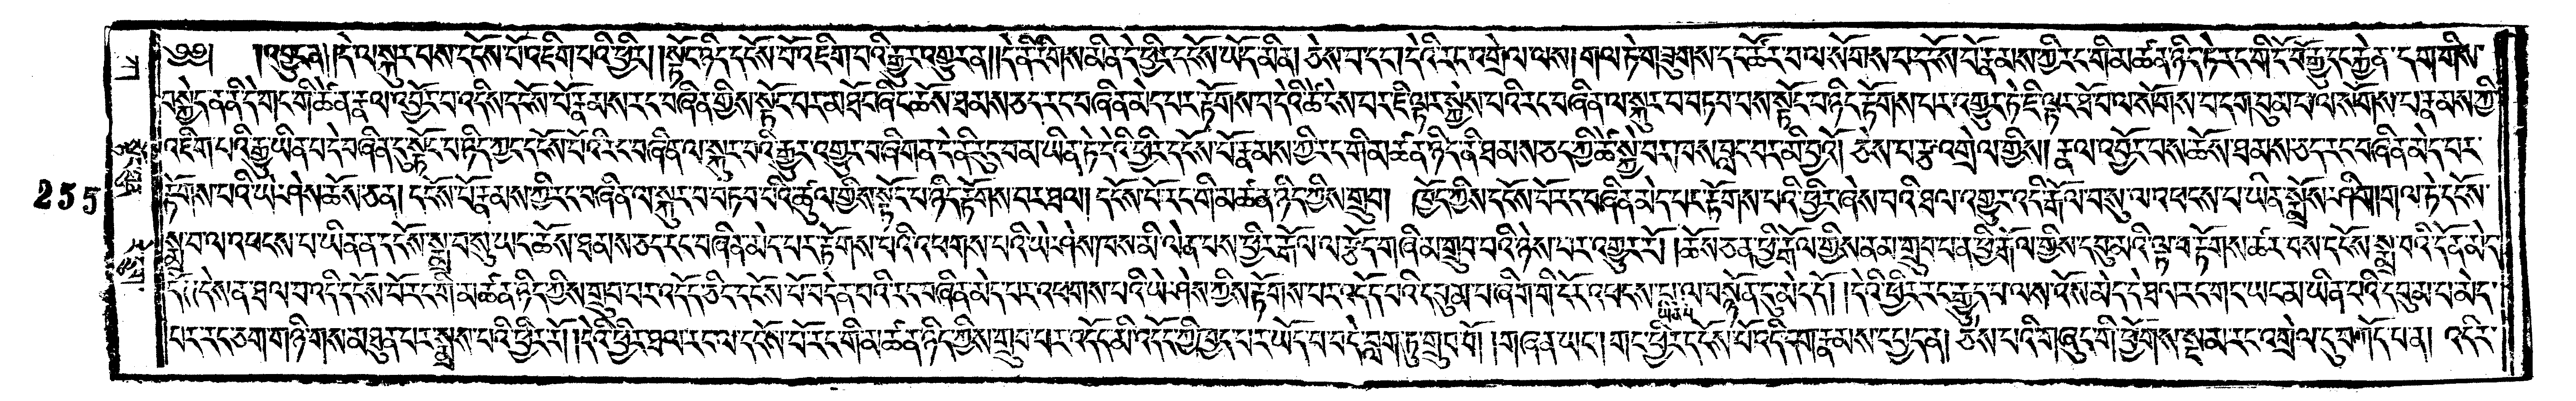༄༅། །འབྱུང་ན། །དེ་ལ་སྐུར་པས་དངོས་པོ་འཇིག་པའི་ཕྱིར། །སྟོང་ཉིད་དངོས་པོ་འཇིག་པའི་རྒྱུར་འགྱུར་ན། །དེ་ནི་རིགས་མིན་དེ་ཕྱིར་དངོས་ཡོད་མིན། ཅེས་བ་དང་། དེའི་རང་འགྲེལ་ལ་ལས། གལ་ཏེ་གཟུགས་དང་ཚོར་བ་ལ་སོགས་པ་དངོས་པོ་རྣམས་ཀྱི་རང་གི་མཚན་ཉིད་ཏེ་རང་གི་ངོ་བོ་རྒྱུ་དང་རྐྱེན་དག་གིས་
བསྐྱེད་ན་ནི་དེ་གང་གི་ཚེ་ན་རྣལ་འབྱོར་བ་འདིས་དངོས་པོ་རྣམས་རང་བཞིན་གྱིས་སྟོང་བར་མཐོང་ཞིང་ཆོས་ཐམས་ཅད་རང་བཞིན་མེད་པར་རྟོགས་པ་དེའི་ཚེ་ངེས་བར་ཇི་ལྟར་སྐྱེས་པའི་རང་བཞིན་ལ་སྐུར་བ་བཏབ་བས་སྟོང་པ་ཉིད་རྟོགས་པར་འགྱུར་ཏེ་ཇི་ལྟར་ཐོ་བ་ལ་སོགས་བདག་བུམ་པ་ལ་སོགས་པ་རྣམས་ཀྱི་
འཇིག་པའི་རྒྱུ་ཡིན་པ་དེ་བཞིན་དུ་སྟོང་པ་ཉིད་ཀྱང་དངོས་པོའི་རང་བཞིན་ལ་སྐུར་བའི་རྒྱུར་འགྱུར་བཞིག་ན་དེ་ནི་རུང་བ་མ་ཡིན་ཏེ་དེའི་ཕྱིར་དངོས་པོ་རྣམས་ཀྱི་རང་གི་མཚན་ཉིད་ནི་ཐམས་ཅད་ཀྱི་ཚེ་སྐྱེ་བར་ཁས་བླང་བར་མི་བྱའོ། ཅེས་པ་རྩ་འགྲེལ་གྱིས། རྣལ་འབྱོར་བས་ཆོས་ཐམས་ཅད་རང་བཞིན་མེད་པར་
རྟོགས་པའི་ཡེ་ཤེས་ཆོས་ཅན། དངོས་པོ་རྣམས་ཀྱི་རང་བཞིན་ལ་སྐུར་བ་བཏབ་པའི་ཚུལ་གྱིས་སྟོང་པ་ཉིད་རྟོགས་བར་ཐལ། དངོས་པོ་རང་གི་མཚན་ཉིད་ཀྱིས་གྲུབ། ཁྱོད་ཀྱིས་དངོས་པོ་རང་བཞིན་མེད་པར་རྟོགས་པའི་ཕྱིར་ཞེས་པའི་ཐལ་འགྱུར་འདི་རྒོལ་བསུ་ལ་འཕངས་པ་ཡིན་སྨྲོས་ཤིག། གལ་ཏེ་དངོས་
སྨྲ་བ་ལ་འཕངས་པ་ཡིན་ན་དངོས་སྨྲ་བ་སུ་ཡང་ཆོས་ཐམས་ཅད་རང་བཞིན་མེད་པར་རྟོགས་པའི་འཕགས་པའི་ཡེ་ཤེས་ཁས་མི་ལེན་པས་ཕྱིར་རྒོལ་ལ་རྩོད་གཞི་མ་གྲུབ་བའི་ཉེས་པར་འགྱུར་རོ། །ཆོས་ཅན་ཕྱི་རྒོལ་གྱིས་ནམ་གྲུབ་པ་ན་ཕྱི་རྒོལ་གྱིས་དབུ་མའི་ལྟ་བ་རྟོགས་ཚར་བས་དངོས་སྨྲ་བའི་དོན་མེད་
དོ༑ ༑དེས་ན་ཐལ་བ་འདི་དངོས་བོར་ངག་མཚན་ཉིད་ཀྱིས་གྲུབ་པར་འདོད་ཅིང་དངོས་པོ་བདེན་པའི་རང་བཞིན་མེད་པར་འཕགས་པའི་ཡེ་ཤེས་ཀྱིས་རྟོགས་པར་འདོད་པའི་དབུམ་པ་ཞིག་གི་དོར་འཕངས་པ་ཡིན་ལ་བསྙོན་དུ་མེད་དོ། །དེའི་ཕྱིར་རང་རྒྱུད་པ་ལས་འོས་མེད་དེ་ཐལ་རང་གང་ཡང་མ་ཡིན་པའི་དབུམ་པ་མེད་
བར་རང་ཅག་གཉི་གས་མཐུན་པར་སྨྲས་པའི་ཕྱིར་རོ། །དེའི་ཕྱིར་ཐལ་རང་ལ་དངོས་པོ་རང་གི་མཚན་ཉིད་ཀྱིས་གྲུབ་པར་འདོད་མི་འདོད་ཀྱི་ཁྱད་པར་ཡོད་པ་བདེ་བླག་ཏུ་གྲུབ་བོ། །གཞན་ཡང་། གང་ཕྱིར་དངོས་པོ་འདི་དག་རྣམས་དཔྱད་ན། ཅེས་པའི་གཞུང་གི་ཕྱོགས་སྔ་མ་རང་འགྲེལ་དུ་བཀོད་པ་ན། འདིར་